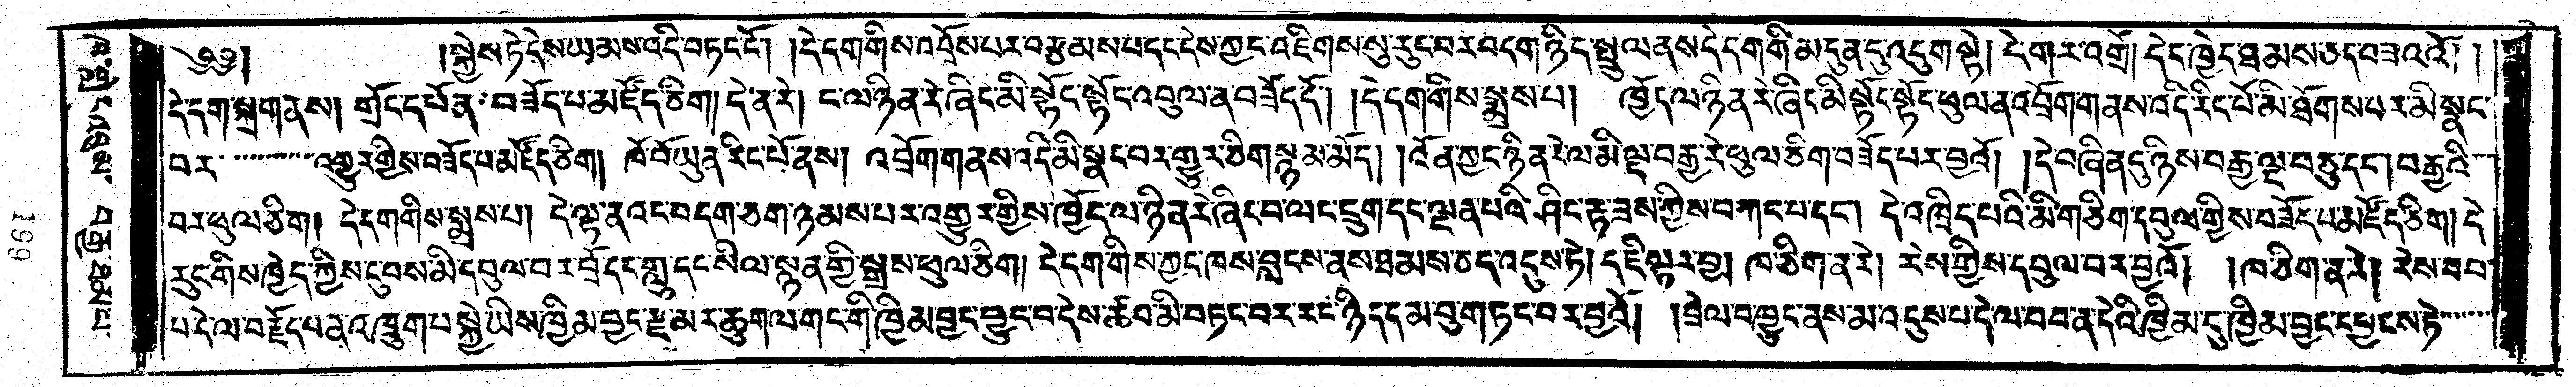༄༅། །སྐྱེས་ཏེ་དེས་ཡམས་འདི་བཏང་ངོ། །དེ་དག་གིས་འབྲོས་པར་བརྩམས་པ་དང་དེས་ཀྱང་འཇིགས་སུ་རུང་བར་བདག་ཉིད་སྤྲུལ་ནས་དེ་དག་གི་མདུན་དུ་འདུག་སྟེ། དེ་གར་འགྲོ། དེང་ཁྱེད་ཐམས་ཅད་བཟའ་འོ། །
དེ་དག་སྐྲག་ནས། གྲོང་དཔོན་བཟོད་པ་མཛོད་ཅིག། དེ་ན་རེ། ང་ལ་ཉིན་རེ་ཞིང་མི་སྟོང་སྟོང་འབུལ་ན་བཟོད་དོ། །དེ་དག་གིས་སྨྲས་པ། ཁྱོད་ལ་ཉིན་རེ་ཞིང་མི་སྟོང་སྟོང་ཕུལ་ན་འབྲོག་གནས་འདི་རིང་པོ་མི་ཐོགས་པར་མི་སྣང་
བར་འགྱུར་གྱིས་བཟོད་པ་མཛོད་ཅིག། ཁོ་བོ་ཡུན་རིང་པོ་ནས། འབྲོག་གནས་འདི་མི་སྣང་བར་གྱུར་ཅིག་སྙམ་མོད། །འོན་ཀྱང་ཉིན་རེ་ལ་མི་ལྔ་བརྒྱ་རེ་ཕུལ་ཅིག་བཟོད་པར་བྱའོ། །དེ་བཞིན་དུ་ཉིས་བརྒྱ་ལྔ་བཅུ་དང་། བརྒྱའི་
བར་ཕུལ་ཅིག། དེ་དག་གིས་སྨྲས་པ། དེ་ལྟ་ནའང་བདག་ཅག་ཉམས་པར་འགྱུར་གྱིས་ཁྱོད་ལ་ཉིན་རེ་ཞིང་བ་ལང་དྲུག་དང་ལྡན་པའི་ཤིང་རྟ་ཟས་ཀྱིས་བཀང་པ་དང་། དེ་འཁྲིད་པའི་མི་གཅིག་དབུལ་གྱིས་བཟོད་པ་མཛོད་ཅིག། དེ་
རུང་གིས་ཁྱེད་ཀྱིས་དུ་བས་མི་དབུལ་བར་བྲོ་དང་གླུ་དང་སིལ་སྙན་གྱི་སྒྲས་ཕུལ་ཅིག། དེ་དག་གིས་ཀྱང་ཁས་བླངས་ནས་ཐམས་ཅད་འདུས་ཏེ། ད་ཇི་ལྟར་བྱ། ཁ་ཅིག་ན་རེ། རེས་གྱིས་དབུལ་བར་བྱའོ། །ཁ་ཅིག་ན་རེ། རེས་བབ་
པ་དེ་ལ་བརྗོད་པ་ན་འཁྲུག་པ་སྐྱེ་ཡིས་ཁྱིམ་བྱང་རྫ་མར་ཆུག་ལ་གང་གི་ཁྱིམ་བྱང་བྱུང་བ་དེས་ཚབ་མི་བཏང་བར་རང་ཉིད་དམ་བུ་གཏང་བར་བྱའོ། །བྲེལ་བ་ཁྱུང་ནས་མ་འདུས་པ་དེ་ལ་བབ་ན་དེའི་ཁྱིམ་དུ་ཁྱིམ་བྱང་དབྱངས་ཏེ་